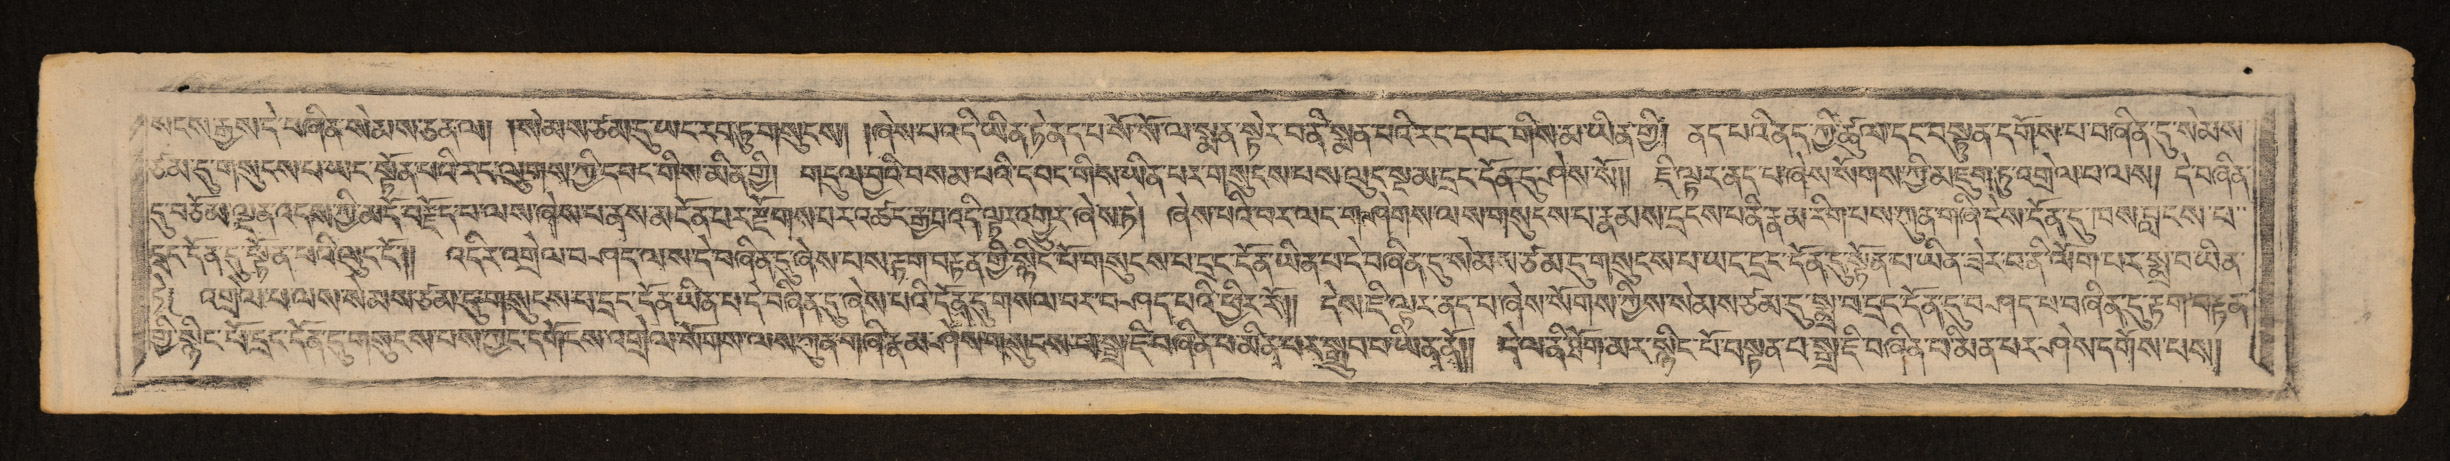སངས་རྒྱས་དེ་བཞིན་སེམས་ཅན་ལ། །སེམས་ཙམ་དུ་ཡང་རབ་ཏུ་གསུངས། །ཞེས་པ་འདི་ཡིན་ཏེ་ནད་པ་སོ་སོ་ལ་སྨན་སྟེར་བ་ནི་སྨན་པའི་རང་དབང་གིས་མ་ཡིན་གྱི། ནད་པའི་ནད་ཀྱི་ཚུལ་དང་བསྟུན་དགོས་པ་བཞིན་དུ་སེམས་
ཙམ་དུ་གསུངས་པ་ཡང་སྟོན་པའི་རང་ལུགས་ཀྱི་དབང་གིས་མིན་གྱི། གདུལ་བྱའི་བསམ་པའི་དབང་གིས་ཡིན་པར་གསུངས་པས་ལུང་སྔ་མ་དྲང་དོན་དུ་ཤེས་སོ།། ཇི་ལྟར་ནད་པ་ཞེས་སོགས་ཀྱི་མཇུག་ཏུ་འགྲེལ་པ་ལས། དེ་བཞིན་
དུ་བཅོམ་ལྡན་འདས་ཀྱི་མདོ་བརྗོད་པ་ལས་ཞེས་པ་ནས་མངོན་པར་རྫོགས་པར་འཚང་རྒྱ་བ་ཇི་ལྟར་འགྱུར་ཞེས་ཏེ། ཞེས་པའི་བར་ལང་གཤེགས་ལས་གསུངས་པ་རྣམས་དྲངས་པ་ནི་རྣམ་རིག་པས་ཀུན་གཞི་ངེས་དོན་དུ་ཁས་བླངས་པ་
དྲང་དོན་དུ་སྟོན་པའི་ལུང་ངོ།། འདིར་འགྲེལ་བཤད་ལས་དེ་བཞིན་དུ་ཞེས་པས་རྟག་བརྟན་གྱི་སྙིང་པོ་གསུངས་པ་དྲང་དོན་ཡིན་པ་དེ་བཞིན་དུ་སེམས་ཙམ་དུ་གསུངས་པ་ཡང་དྲང་དོན་དུ་སྟོན་པ་ཡིན་ཟེར་བ་ནི་ལོག་པར་སྨྲ་བ་ཡིན་
ཏེ། འགྲེལ་པ་ལས་སེམས་ཙམ་དུ་གསུངས་པ་དྲང་དོན་ཡིན་པ་དེ་བཞིན་དུ་ཞེས་པའི་དོན་དུ་གསལ་བར་བཤད་པའི་ཕྱིར་རོ།། དེས་ཇི་ལྟར་ནད་པ་ཞེས་སོགས་ཀྱིས་སེམས་ཙམ་དུ་སྨྲ་བ་དྲང་དོན་དུ་བཤད་པ་བཞིན་དུ་རྟག་བརྟན་
གྱི་སྙིང་པོ་དྲང་དོན་དུ་གསུངས་པས་ཀྱང་དགོངས་འགྲེལ་སོགས་ལས་ཀུན་གཞི་རྣམ་ཤེས་གསུངས་པ་སྒྲ་ཇི་བཞིན་པ་མིན་པར་སྒྲུབ་པ་ཡིན་ནོ།། དེ་ལ་ནི་ཐོག་མར་སྙིང་པོ་བསྟན་པ་སྒྲ་ཇི་བཞིན་པ་མིན་པར་ཤེས་དགོས་པས།